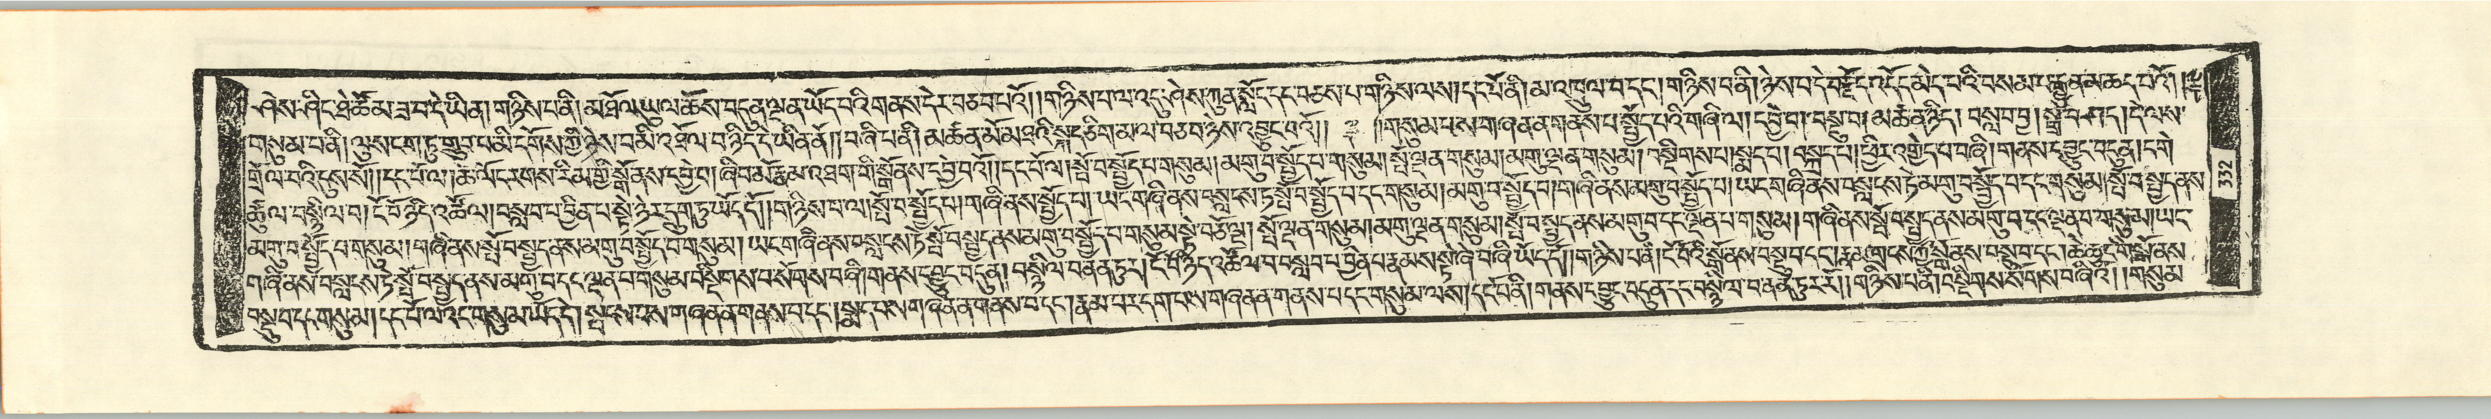ཤེས་ཤིང་ཐེ་ཚོམ་ཟ་བ་དེ་ཡིན། གཉིས་པ་ནི། མཐོལ་ཡུལ་ཆོས་བདུན་ལྡན་ཡོད་པའི་གནས་དེར་བཅབ་པའོ། །གཉིས་པ་ལ་འདུ་ཤེས་ཀུན་སློང་དང་བཅས་པ་གཉིས་ལས། དང་པོ་ནི། མ་འཁྲུལ་བ་དང་། གཉིས་པ་ནི། ཉེས་པ་དེ་བརྗོད་འདོད་མེད་པའི་བསམ་པ་རྒྱུན་མ་ཆད་པའོ། །༈
གསུམ་པ་ནི། ལུས་ངག་ཏུ་གྲུབ་པ་མི་དགོས་ཀྱི་ཉེས་པ་མི་འཐོལ་བ་ཉིད་དེ་ཡིན་ནོ། །བཞི་པ་ནི། མཚན་མོ་མཐའི་སྐད་ཅིག་མ་ལ་བཅབ་ཉེས་འབྱུང་བའོ། །༈ །།གསུམ་པ་ས་གཞན་ན་གནས་པ་སྤྱོད་པའི་གཞི་ལ། དབྱེ་བ། བསྡུ་བ། མཚན་ཉིད། བསླབ་བྱ། སྒྲ་བཤད། དེ་ལས་
གྲོལ་བའི་དུས་སོ། །དང་པོ་ལ། ཆ་ལོང་རགས་རིམ་གྱི་སྒོ་ནས་དབྱེ་བ། ཞིབ་མོ་རྣམ་འཐག་གི་སྒོ་ནས་དབྱེ་བའོ། །དང་པོ་ལ། སྤོ་བ་སྤྱོད་པ་གསུམ། མགུ་བ་སྤྱོད་པ་གསུམ། སྤོ་ལྡན་གསུམ། མགུ་ལྡན་གསུམ། བསྡིགས་པ། སྨད་པ། བསྐྲད་པ། ཕྱིར་འགྱེད་པ་བཞི། གནས་དབྱུང་བདུན། དགེ་
ཚུལ་བསྙིལ་བ། ངོ་བོ་ཉིད་འཚོལ། བསླབ་པ་བྱིན་པ་སྟེ་ཉེར་དྲུག་ཏུ་ཡོད་དོ། །གཉིས་པ་ལ། སྤོ་བ་སྤྱོད་པ། གཞི་ནས་སྤྱོད་པ། ཡང་གཞི་ནས་བསླངས་ཏ་སྤོ་བ་སྤྱོད་པ་དང་གསུམ། མགུ་བ་སྤྱོད་པ། གཞི་ནས་མགུ་བ་སྤྱོད་པ། ཡང་གཞི་ནས་བསླངས་ཏེ་མགུ་བ་སྤྱོད་པ་དང་གསུམ། སྤོ་བ་སྤྱད་ནས་
མགུ་བ་སྤྱོད་པ་གསུམ། གཞི་ནས་སྤོ་བ་སྤྱད་ནས་མགུ་བ་སྤྱོད་པ་གསུམ། ཡང་གཞི་ནས་བསླངས་ཏེ་སྤོ་བ་སྤྱད་ནས་མགུ་བ་སྤྱོད་པ་གསུམ་སྟེ་བཅོ་ལྔ། སྤོ་ལྡན་གསུམ། མགུ་ལྡན་གསུམ། སྤོ་བ་སྤྱད་ནས་མགུ་བ་དང་ལྡན་པ་གསུམ། གཞི་ནས་སྤོ་བ་སྤྱད་ནས་མགུ་བ་དང་ལྡན་པ་གསུམ། ཡང་
གཞི་ནས་བསླངས་ཏེ་སྤོ་བ་སྤྱད་ནས་མགུ་བ་དང་ལྡན་པ་གསུམ་བསྡིགས་པ་སོགས་བཞི། གནས་དབྱུང་བདུན། བསྙིལ་བ་ནན་ཏུར། ངོ་བོ་ཉིད་འཚོལ་བ་བསླབ་པ་བྱིན་པ་རྣམས་སྟེ་ཞེ་བཞི་ཡོད་དོ། །གཉིས་པ་ནི། ངོ་བོའི་སྒོ་ནས་བསྡུ་བ་དང་། རྣམ་གྲངས་ཀྱི་སྒོ་ནས་བསྡུ་བ་དང་། ཆེ་ཆུང་གི་སྒོ་ནས་
བསྡུ་བ་དང་གསུམ། དང་པོ་ལའང་གསུམ་ཡོད་དེ། སྤངས་པས་གཞན་ན་གནས་པ་དང་། སྨད་པས་གཞན་ན་གནས་པ་དང་། རྣམ་པར་དག་པས་གཞན་ན་གནས་པ་དང་གསུམ་ལས། དང་པོ་ནི། གནས་དབྱུང་བདུན་དང་བསྙིལ་བ་ནན་ཏུར་རོ། །གཉིས་པ་ནི། བསྡིགས་སོགས་བཞིའོ། །གསུམ་